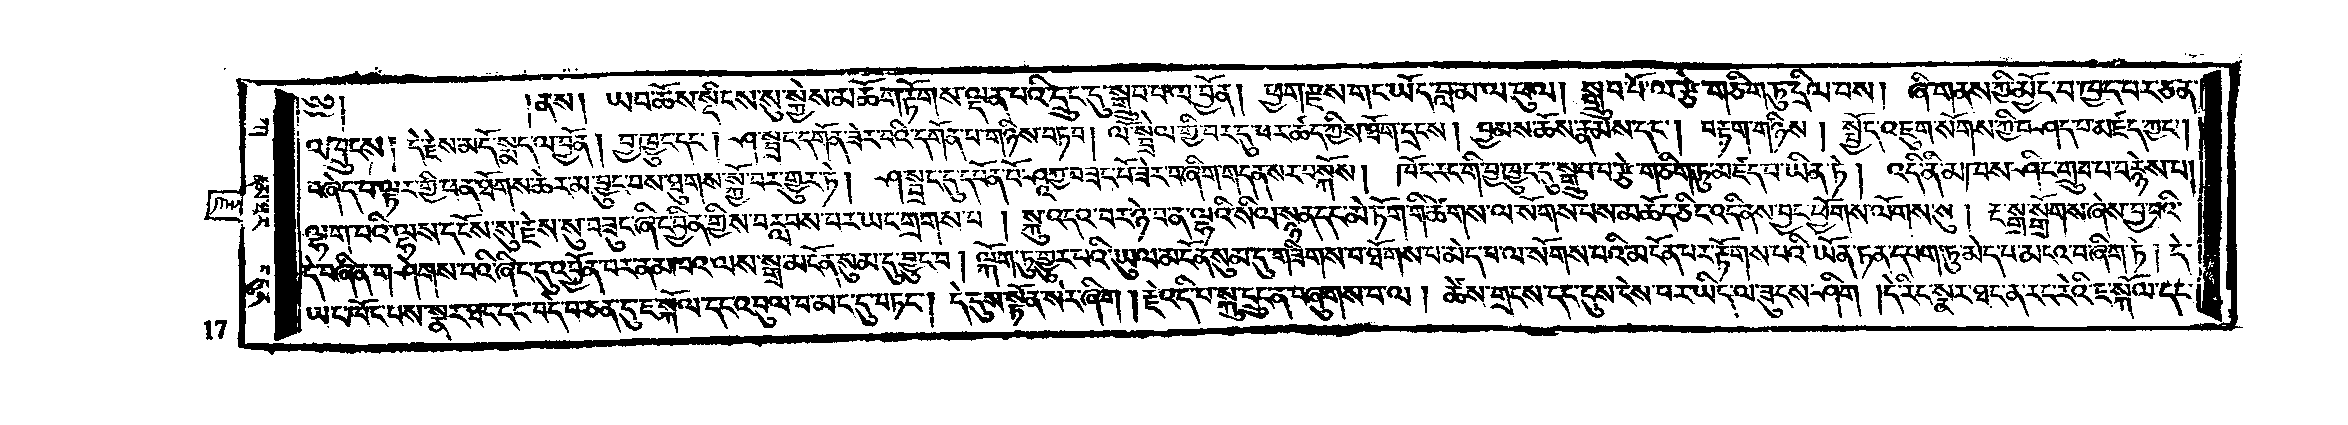༄༅། །ནས། ཡབ་ཆོས་སྡིངས་སུ་སྐྱེས་མཆོག་རྟོགས་ལྡན་པའི་དྲུང་དུ་སྒྲུབ་པ་ལ་བྱོན། ཕྱག་རྫས་གང་ཡོད་བླ་མ་ལ་ཕུལ། སྒྲུབ་པོ་ལ་རྩེ་གཅིག་ཏུ་དྲིལ་བས། ཞི་གནས་ཀྱི་མྱོང་བ་ཁྱད་པར་ཅན་
འཁྲུངས། དེ་རྗེས་མདོ་སྨད་ལ་བྱོན། བྱ་ཁྱུང་དང་། ཤ་སྦྲང་དགོན་ཟེར་བའི་དགོན་པ་གཉིས་བཏབ། ལོ་སྦྲེལ་གྱི་བར་དུ་ཕར་ཚད་ཀྱིས་ཐོག་དྲངས། བྱམས་ཆོས་རྣམས་དང་། བརྟག་གཉིས། སྤྱོད་འཇུག་སོགས་ཀྱི་བཤད་པ་མཛད་ཀྱང་།
བཞེད་པ་ལྟར་གྱི་ཕན་ཐོགས་ཆེར་མ་བྱུང་བས་ཐུགས་སྐྱོ་བར་གྱུར་ཏེ། ཤ་སྦྲང་དུ་དཔོན་པོ་ཤཱཀྱ་བཟང་པོ་ཟེར་བ་ཞིག་གདན་སར་བསྐོས། ཁོང་རང་གི་བྱ་ཁྱུང་དུ་སྒྲུབ་པ་རྩེ་གཅིག་ཏུ་མཛད་པ་ཡིན་ཏེ། འདི་ནི་མཁས་ཤིང་གྲུབ་པ་བརྙེས་པ།
ལྷག་པའི་ལྷས་དངོས་སུ་རྗེས་སུ་བཟུང་ཞིང་བྱིན་གྱིས་བརླབས་པར་ཡང་གྲགས་པ། སྐུ་འདའ་བར་ཉེ་བ་ན་ལྷའི་སིལ་སྙན་དང་མེ་ཏོག་གི་ཚེགས་ལ་སོགས་པས་མཆོད་ཅིང་འདི་ནས་བྱང་ཕྱོགས་ལོགས་སུ། རྔ་སྒྲ་སྒྲོགས་ཞེས་བྱ་བའི་
དེ་བཞིན་གཤེགས་པའི་ཞིང་དུ་འབྱོན་པར་ནམ་མཁའ་ལས་སྒྲ་མངོན་སུམ་དུ་བྱུང་བ། ལྐོག་ཏུ་གྱུར་པའི་ཡུལ་མངོན་སུམ་དུ་གཟིགས་པ་ཐོགས་པ་མེད་པ་ལ་སོགས་པའི་མངོན་པར་རྟོགས་པའི་ཡོན་ཏན་དཔག་ཏུ་མེད་པ་མངའ་བ་ཞིག་ཏེ། དེ་
ཡང་ཁོང་པས་སྣར་ཐང་དང་བདེ་བ་ཅན་དུ་ཇ་སྐོལ་དང་འབུལ་བ་མང་དུ་བཏང་། དེ་དུས་སྟོན་སེར་ཞིག །རྗེ་འདི་པ་སྐུ་དྲུང་ན་བཞུགས་པ་ལ། ཚེས་གྲངས་དང་དུས་ངེས་པར་ཡིད་ལ་ཟུངས་ཤིག །དེ་རིང་སྣར་ཐང་ན་རང་རེའི་ཇ་སྐོལ་དང་